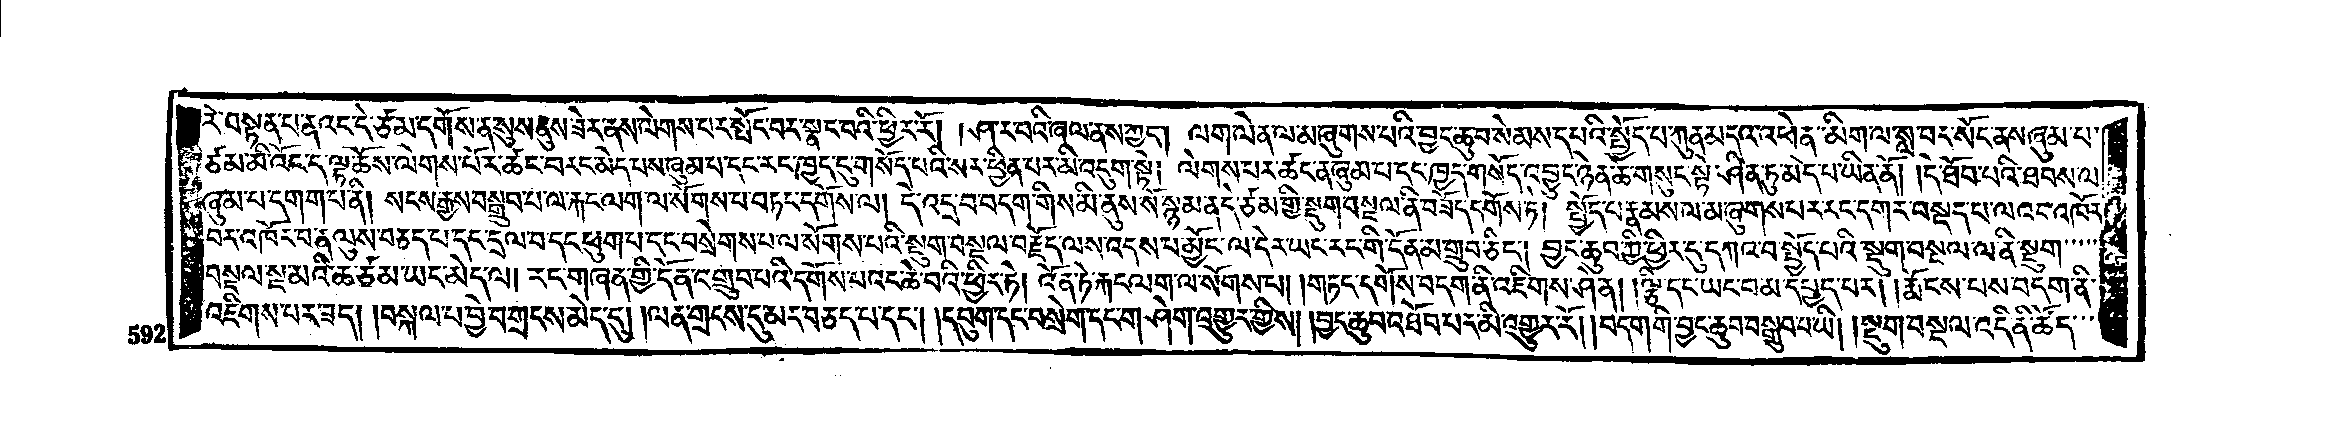རེ་བསྟན་པ་ནའང་དེ་ཙམ་དགོས་ན་སུས་ནུས་ཟེར་ནས་ལེགས་པར་སྤོང་བར་སྣང་བའི་ཕྱིར་རོ། །ཤ་ར་བའི་ཞལ་ནས་ཀྱང་། ལག་ལེན་ལ་མ་ཞུགས་པའི་བྱང་ཆུབ་སེམས་དཔའི་སྤྱོད་པ་ཀུན་མདའ་འཕེན་མིག་ལ་སླ་བར་སོང་ནས་ཞུམ་པ་
ཙམ་མི་འོང་ད་ལྟ་ཆོས་ལེགས་པོར་ཚང་བ་རང་མེད་པས་ཞུམ་པ་དང་རང་ཁྱད་དུ་གསོད་པའི་སར་ཕྱིན་པར་མི་འདུག་སྟེ། ལེགས་པར་ཚང་ན་ཞུམ་པ་དང་ཁྱད་གསོད་འབྱུང་ཉེན་ཆེ་གསུང་སྟེ་ཤིན་ཏུ་མད་པ་ཡིན་ནོ། །དེ་ཐོབ་པའི་ཐབས་ལ་
ཞུམ་པ་དགག་པ་ནི། སངས་རྒྱས་བསྒྲུབ་པ་ལ་རྐང་ལག་ལ་སོགས་པ་བཏང་དགོས་ལ། དེ་འདྲ་བ་བདག་གིས་མི་ནུས་སོ་སྙམ་ན་དེ་ཙམ་གྱི་སྡུག་བསྔལ་ནི་བཟོད་དགོས་ཏེ། སྤྱོད་པ་རྣམས་ལ་མ་ཞུགས་པར་རང་དགར་བསྡད་པ་ལའང་འཁོར་
བར་འཁོར་བ་ན་ལུས་བཅད་པ་དང་དྲལ་བ་དང་ཕུག་པ་དང་བསྲེགས་པ་ལ་སོགས་པའི་སྡུག་བསྔལ་བརྗོད་ལས་འདས་པ་མྱོང་ལ་དེར་ཡང་རང་གི་དོན་མ་གྲུབ་ཅིང་། བྱང་ཆུབ་ཀྱི་ཕྱིར་དུ་དཀའ་བ་སྤྱོད་པའི་སྡུག་བསྔལ་ལ་ནི་སྡུག་
བསྔལ་སྔ་མའི་ཆ་ཙམ་ཡང་མེད་ལ། རང་གཞན་གྱི་དོན་འགྲུབ་པའི་དགོས་པའང་ཆེ་བའི་ཕྱིར་ཏེ། འོན་ཏེ་རྐང་ལག་ལ་སོགས་པ། །གཏང་དགོས་བདག་ནི་འཇིགས་ཤེ་ན། །ལྕི་དང་ཡང་བ་མ་དཔྱད་པར། །རྨོངས་པས་བདག་ནི་
འཇིགས་པར་ཟད། །བསྐལ་པ་བྱེ་བ་གྲངས་མེད་དུ། །ལན་གྲངས་དུ་མར་བཅད་པ་དང་། །དབུག་དང་བསྲེག་དང་གཤེག་འགྱུར་གྱིས། །བྱང་ཆུབ་འཐོབ་པར་མི་འགྱུར་རོ། །བདག་གི་བྱང་ཆུབ་བསྒྲུབ་པ་ཡི། །སྡུག་བསྔལ་འདི་ནི་ཚོད་